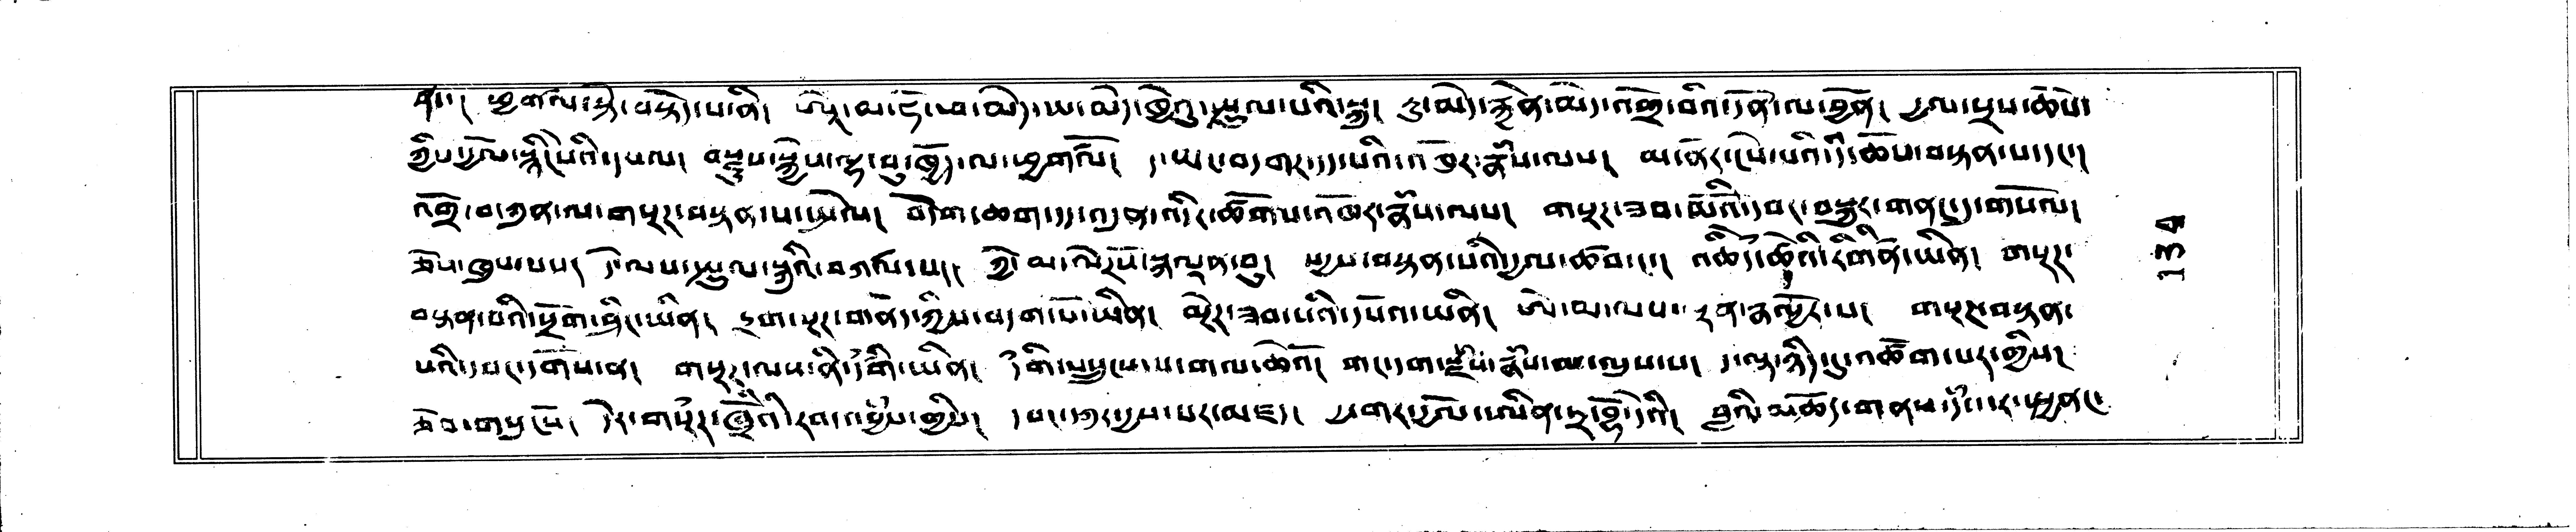སྟེ་ཕྱག་འཚལ་ནས་བསྟོད་པ་ནི། ཨེ་མ་ཧོ་ཕ་མེད་མ་མེད་ཁྱེའུ་སྤྲུལ་པའི་སྐུ། རྒྱུ་མེད་རྐྱེན་མེད་འགྲོ་བའི་དོན་ལ་བྱོན། རྒྱལ་སྲས་ཆོས་
ཀྱི་རྒྱལ་པོ་སྙིང་རྗེའི་དཔལ། བརྫུས་སྐྱེས་ལྷ་བུ་ཁྱོད་ལ་ཕྱག་འཚལ་ལོ། ད་ཡང་བདག་ཅག་དད་པའི་འཁོར་རྣམས་ལས། མ་ནོར་ངེས་པའི་དམ་ཆོས་བསྟན་པ་དང་། 
འགྲོ་བ་ཀུན་ལ་གསང་སྔགས་བསྟན་པ་སྤེལ། བདག་ཅག་དད་འདུན་འདིར་ཚོགས་འཁོར་རྣམས་ལས། གསང་སྔགས་ཟབ་མོའི་དབང་བསྐུར་གནང་དུ་གསོལ།
 ཅེས་ཞུས་པས། དེ་ལས་སྤྲུལ་པའི་སྐུས་བཀའ་སྩལ་པ། ཀྱེ་མ་ལེགས་སོ་སྐལ་ལྡན་བུ། སངས་རྒྱས་བསྟན་པའི་རྒྱལ་ཚབ་ང་། འཆི་མེད་ཚེ་ཡི་རིག་འཛིན་ཡིན། གསང་སྔགས་
བསྟན་པའི་སྲོག་ཤིང་ཡིན། དྲག་སྔགས་གནོད་ཀྱི་བདག་པོ་ཡིན། མན་ངག་ཟབ་པའི་དཔའ་བོ་ཡིན། ཨེ་མ་ལས་ལྡན་རྣལ་འབྱོར་པ། གསང་སྔགས་བསྟན་
པའི་དབང་དགོས་ན། གསང་སྔགས་ལས་ནི་དམ་ཚིག་ཡིན། དམ་ཚིག་བསྲུང་བ་གལ་ཆེའོ། །གང་དག་རྫས་རྣམས་མ་ལུས་པ། ད་ལྟ་ཉིད་དུ་འཚོགས་པར་གྱིས། 
ཅེས་གསུངས་སོ། །དེར་གསང་སྔགས་ཞི་ཁྲོ་རབ་འབྱམས་ཀྱིས། དབང་བསྐུར་རྒྱས་པར་མཛད། རྒྱ་གར་གྱི་རྒྱལ་པོ་ཨིན་ཏྲ་བྷོ་དྷི་དེའི། བླའི་མཆོད་གནས་དམ་པར་སྤྱན་དྲངས་